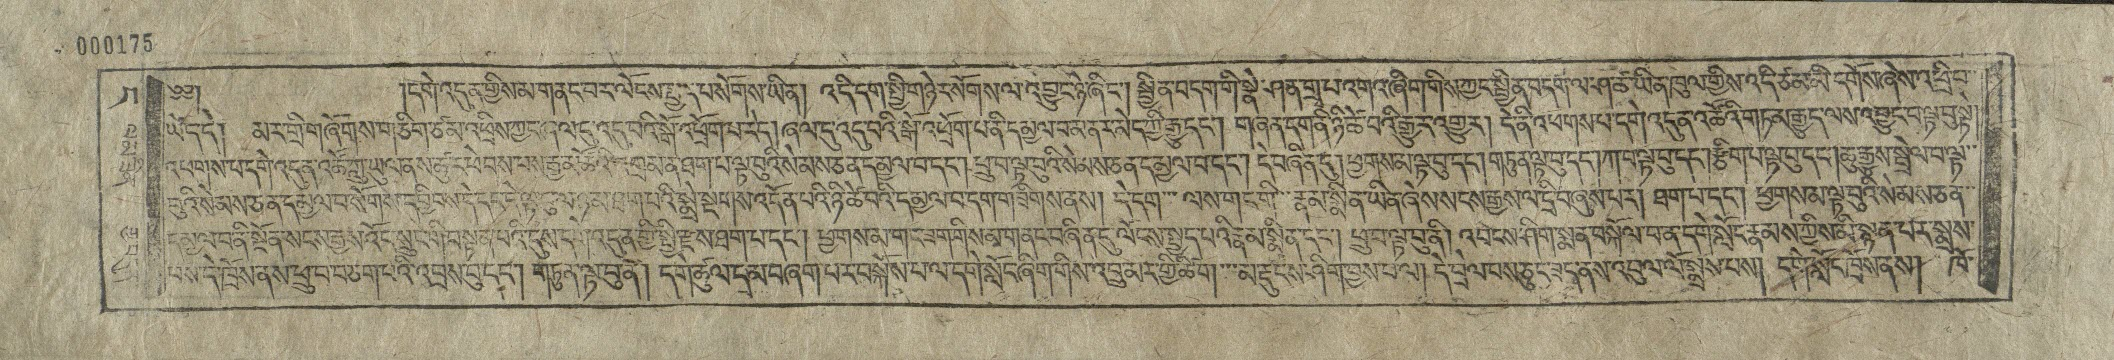༄༅། །དགེ་འདུན་གྱིས་མ་གནང་བར་ལོངས་སྤྱད་པ་སོགས་ཡིན། འདི་དག་སྤྱི་གཉེར་སོགས་ལ་འབྱུང་ཉེ་ཞིང་། སྦྱིན་བདག་གི་སྣེ་ཤན་གྲྭ་པ་འགའ་ཞིག་གིས་ཀྱང་སྦྱིན་བདག་ལ་ཤ་ཚ་ཡིན་ཁུལ་གྱིས་འདི་ཙམ་མི་དགོས་ཞེས་འཕྲི་བ་
ཡོད་དེ། མར་གྲི་གཞོགས་གཅིག་ཙམ་འཕྲིས་ཀྱང་ཞལ་དུ་འདུ་བའི་སྒོ་འཕྲོག་པ་རེད། ཞལ་དུ་འདུ་བའི་སྒོ་འཕྲོག་པ་ནི་དམྱལ་བ་མནར་མེད་ཀྱི་རྒྱུ་དང་། གཞན་དག་ནི་ཉི་ཚེ་བའི་རྒྱུར་འགྱུར། དེ་ནི་འཕགས་པ་དགེ་འདུན་འཚོའི་གཏམ་རྒྱུད་ལས་འབྱུང་བ་ལྟ་བུ་སྟེ།
འཕགས་པ་དགེ་འདུན་འཚོ་ཀླུ་ཡུལ་ནས་ཚུར་ཕེབས་པས་རྒྱ་མཚོའི་འགྲམ་ན་ཐག་པ་ལྟ་བུའི་སེམས་ཅན་དམྱལ་བ་དང་། ཕྲུ་བ་ལྟ་བུའི་སེམས་ཅན་དམྱལ་བ་དང་། དེ་བཞིན་དུ། ཕྱགས་མ་ལྟ་བུ་དང་། གཏུན་ལྟ་བུ་དང་། ཀ་བ་ལྟ་བུ་དང་། རྩིག་པ་ལྟ་བུ་དང་། ཆུ་རྒྱུས་སྦྲེལ་བ་ལྟ་
བུའི་སེམས་ཅན་དམྱལ་བ་སོགས་དབྱིབས་དེ་དང་དེ་ལྟ་བུ་ལ་ཉམ་ཐག་པའི་སྨྲེ་སྔགས་འདོན་པའི་ཉི་ཚེ་བའི་དམྱལ་བ་དག་གཟིགས་ནས། དེ་དག་ལས་གང་གི་རྣམ་སྨིན་ཡིན་ཞེས་སངས་རྒྱས་ལ་དྲི་བ་ཞུས་པར། ཐག་པ་དང་། ཕྱགས་མ་ལྟ་བུའི་སེམས་ཅན་
དམྱལ་བ་ནི་སྔོན་སངས་རྒྱས་འོད་སྲུང་གི་བསྟན་པའི་དུས་དགེ་འདུན་གྱི་སྤྱི་རྫས་ཐག་པ་དང་། ཕྱགས་མ་གང་ཟག་གིས་མ་གནང་བཞིན་དུ་ལོངས་སྤྱད་པའི་རྣམ་སྨིན་དང་། ཕྲུ་བ་ལྟ་བུ་ནི། འབངས་ཤིག་སྨན་བསྐོལ་བ་ན་དགེ་སློང་རྣམས་ཀྱིས་མི་སྙན་པར་སྨྲས་
པས་དེ་ཁྲོས་ནས་ཕྲུ་བ་བཅག་པའི་འབྲས་བུ་དང་། གཏུན་ལྟ་བུ་ནི། དགེ་ཚུལ་དམ་བཞག་པར་བསྐོས་པ་ལ་དགེ་སློང་ཞིག་གིས་འབྲུ་མར་གྱི་ཚིག་མ་རྡུངས་ཤིག་བྱས་པ་ལ། དེ་བྲེལ་བས་ཅུང་ཟད་ནས་འབུལ་ལོ་སྨྲས་པས། དགེ་སློང་ཁྲོས་ནས། ཁོ་